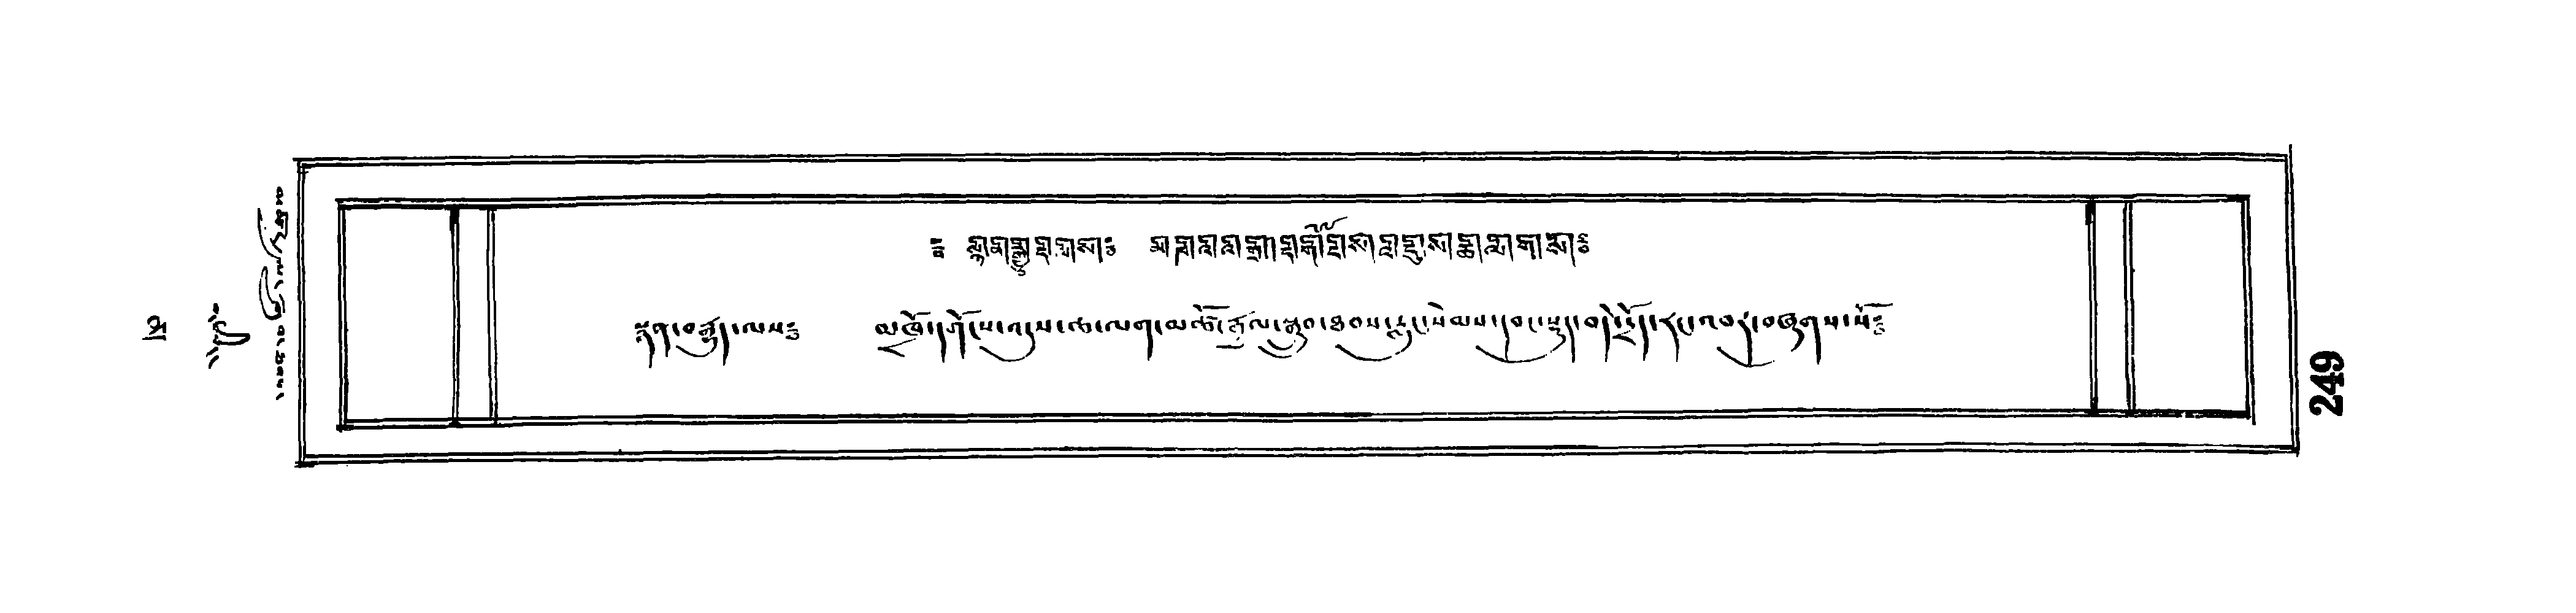སྙན་བརྒྱུད་ལས༔ མཁའ་འགྲོ་དགོངས་འདུས་ཆ་ལག་མཚོ་རྒྱལ་སྒྲུབ་ཐབས་རླུང་སེམས་དབང་སྡུད་བདེ་དྲོད་རང་འབར་བཞུགས་སོ༔